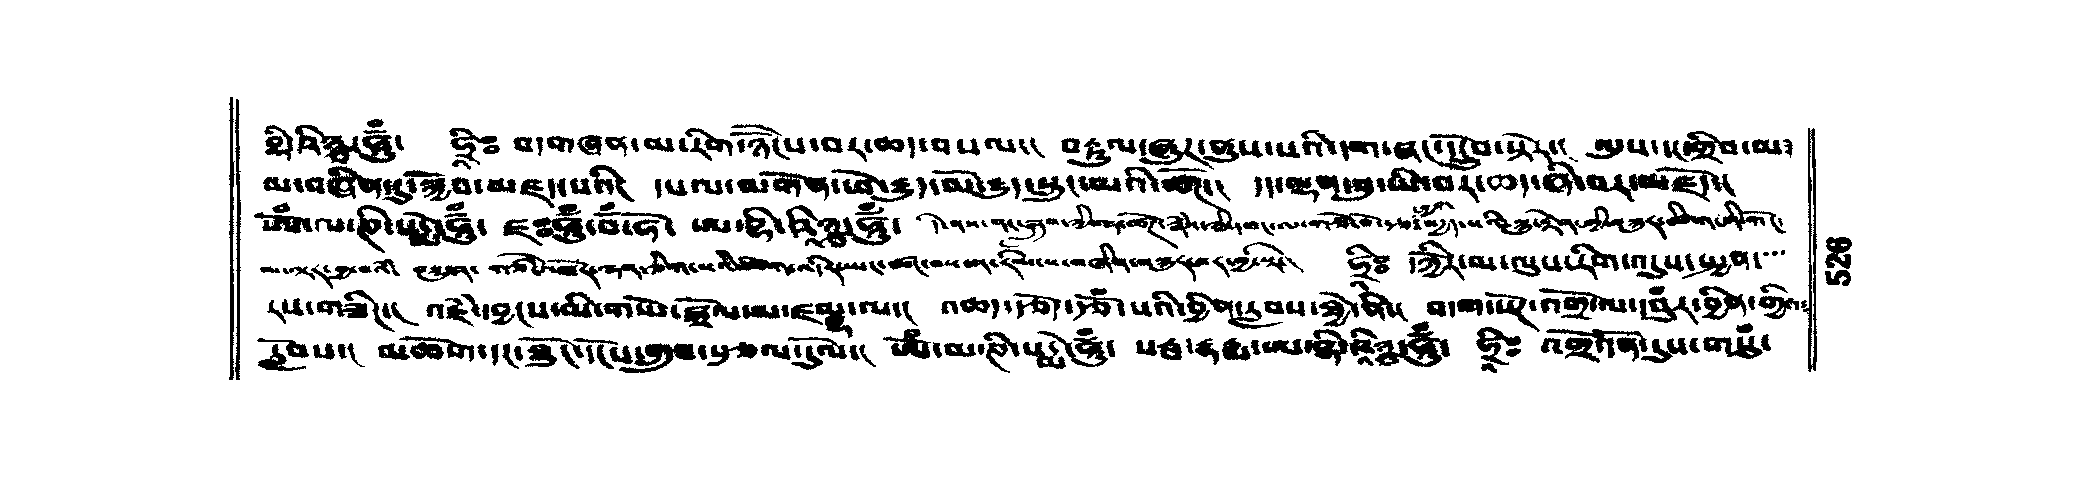བྷི་རཱི་ཉྩ་ཧཱུྂ། ཧྲཱིཿ བདག་གཞན་མ་རིག་ཉོན་མོངས་བར་ཆད་བསལ། །བརྟུལ་ཞུགས་ནུས་པའི་དག་སྣང་དངོས་གྲུབ་སྟེར། །ལུས་དང་གྲིབ་
མ་བཞིན་དུ་སྐྱོབ་མཛད་པའི། །དཔལ་མགོན་ཕོ་རྒྱུད་མོ་རྒྱུད་སྲུང་མའི་ཚོགས། དད་ལྡན་བུ་ཡི་བར་ཆད་ཞི་བར་མཛོད། །
ཨོཾ་མ་ཎི་པདྨེ་ཧཱུྃ། ཛཿཧཱུྃ་བྃ་ཧོ། ཨ་བྷི་རཱིཉྩ་ཧཱུྃ། དེ་ནས་ནང་སྒྲུབ་ཀྱི་ལྷ་ཚོགས་རྣམས་ཀྱི་དབང་ལ་གཙོ་བོ་རྩ་ཕྱག་བརྒྱད་པའི་སྐུ་རྟེན་གྱི་བསྐུར་ཚིག་ནི་གོང་
མ་ལྟར་བྱ་བ་ནི། བསྡུ་ན་གཙོ་འཁོར་ལྷན་ཅིག་པའི་ཚིག་འདིར་ཡང་ཚང་བས་ན་རིམ་པ་བཞིན་བསྐུར་བར་བྱ་སྟེ། ཧྲཱིཿ དཀྱིལ་འཁོར་མ་ལུས་རིགས་འདུས་སྤྱན་
རས་གཟིགས། །འཇམ་དབྱངས་མི་གཡོ་སྒྲོལ་མ་ཛམ་བྷ་ལ། །འཆད་རྩོད་རྩོམ་པའི་བྱིན་རླབས་ཐུགས་རྗེ་ནི། །བདག་སོགས་འགྲོ་ལ་དབང་བསྐུར་བྱིན་གྱིས་
རློབས། །མཆོག་དང་ཐུན་མོང་དངོས་གྲུབ་སྩལ་དུ་གསོལ། ཨོཾ་མ་ཎི་པདྨེ་ཧཱུྃ། སརྦ་དྷརྨ་ཨ་བྷི་རཱིཉྩ་ཧཱུྃ། ཧྲཱིཿ འགྲོ་དོན་དུས་གསུམ་